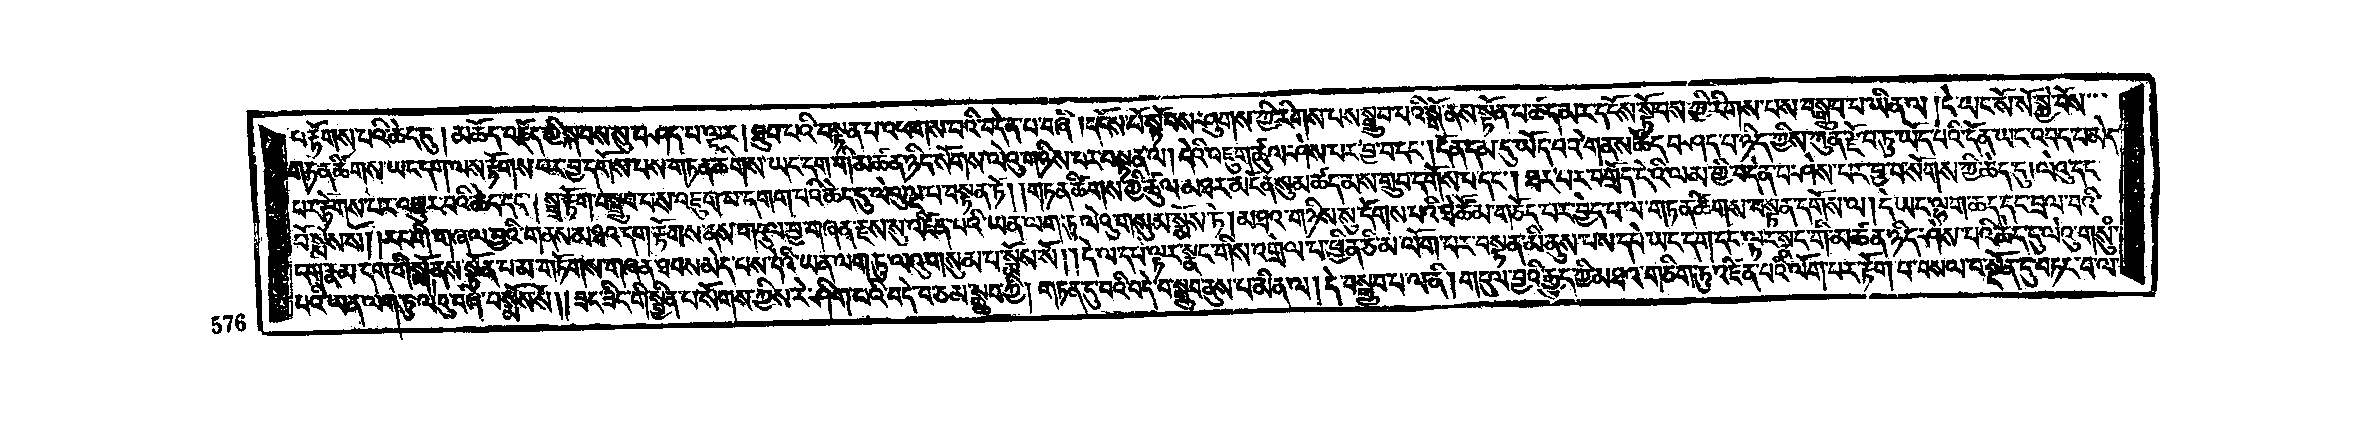པ་རྟོགས་པའི་ཆེ་དུ། མཆོད་བརྗོད་ཀྱི་སྐབས་སུ་བཤད་པ་ལྟར། ཐུབ་པའི་བསྟན་པ་འཕགས་པ་པའི་བདེན་པ་བཞི། དངོས་པོ་སྟོས་ཤུགས་ཀྱི་རིགས་པས་སྒྲུབ་པའི་སྒོ་ནས་སྟོན་པ་ཚད་མར་དངོས་སྟོས་ཀྱི་རིགས་པས་བསྒྲུབ་པ་ཡིན་ལ། དེ་ཡང་སོ་སོ་སྐྱེ་བོས་
གཏན་ཚིགས་ཡང་དག་ལས་རྟོགས་པར་བྱ་དགོས་པས་གཏན་ཚིགས་ཡང་དག་གི་མཚན་ཉིད་སོགས་ལེའུ་གཉིས་པར་བསྟན་ལ། དེའི་འཇུག་ཚུལ་ཤེས་པར་བྱ་བ་དང་། དོན་དམ་དུ་ཡོད་པའི་གནས་ཚོད་བཤད་པ་ཉིད་ཀྱིས་ཀུན་རྫོབ་ཏུ་ཡོད་པའི་དོན་ཡང་འབད་པ་མེད་
པར་རྟོགས་པར་འགྱུར་བའི་ཆེད་དང་། སྒྲ་རྟོག་བསྒྲུབ་པས་འཇུག་པ་དགག་པའི་ཆེད་དུ་ལེའུ་ལྔ་པ་བསྟན་ཏོ། །གཏན་ཚིགས་ཀྱི་ཚུལ་མཐར་མངོན་སུམ་ཚད་མས་གྲུབ་དགོས་པ་དང་། ཐར་པར་བགྲོད་པའི?་ལམ་གྱི་བདེན་པ་ཤེས་པར་བྱ་བ་སོགས་ཀྱི་ཆེད་དུ། ལེའུ་དང་
པོ་སྨོས་སོ། །རང་གི་གཞལ་བྱའི་གནས་མཐའ་དག་རྟོགས་ནས་གདུལ་བྱ་གཞན་རྗེས་སུ་འཛིན་པའི་ཡན་ལག་ཏུ་ལེའུ་གསུམ་སྨོས་ཏེ། མཐའ་གཉིས་སུ་དོགས་པའི་ཐེ་ཚོམ་གཅོད་པར་བྱེད་པ་ལ་གཏན་ཚིགས་བསྟན་དགོས་ལ། དེ་ཡང་ལྷག་ཆད་དང་བྲལ་བའི་
དག་རྣམ་དག་གི་སྒོ་ནས་སྟོན་པ་མ་གཏོགས་གཞན་ཐབས་མེད་པས་དེའི་ཡན་ལག་ཏུ་ལེའུ་གསུམ་པ་སྨོས་སོ། །དེ་ལ་དཔེ་ལྟར་སྣང་གིས་འགྲེལ་པ་ཕྱིན་ཅི་མ་ལོག་པར་བསྟན་མི་ནུས་པས་དཔེ་ཡང་དག་དང་ལྟར་སྣང་གི་མཚན་ཉིད་ཤེས་པའི་ཆེད་དུ་ལེའུ་གསུམ་
པའི་ཡན་ལག་ཏུ་ལེའུ་བཞི་པ་སྨོས་སོ། །ཟང་ཟིང་གི་སྦྱིན་པ་སོགས་ཀྱིས་རེ་ཤིག་པའི་བདེ་བ་ཙམ་སྒྲུབ་ཀྱི། གཏན་དུ་བའི་བདེ་བ་སྒྲུབ་ནུས་པ་མིན་ལ། དེ་བསྒྲུབ་པ་ལ་ནི། གདུལ་བྱའི་རྒྱུད་ཀྱི་མཐའ་གཅིག་ཏུ་འཛིན་པའི་ལོག་པར་རྟོག་པ་བསལ་བ་སྔོན་དུ་བཏང་བ་ལ་